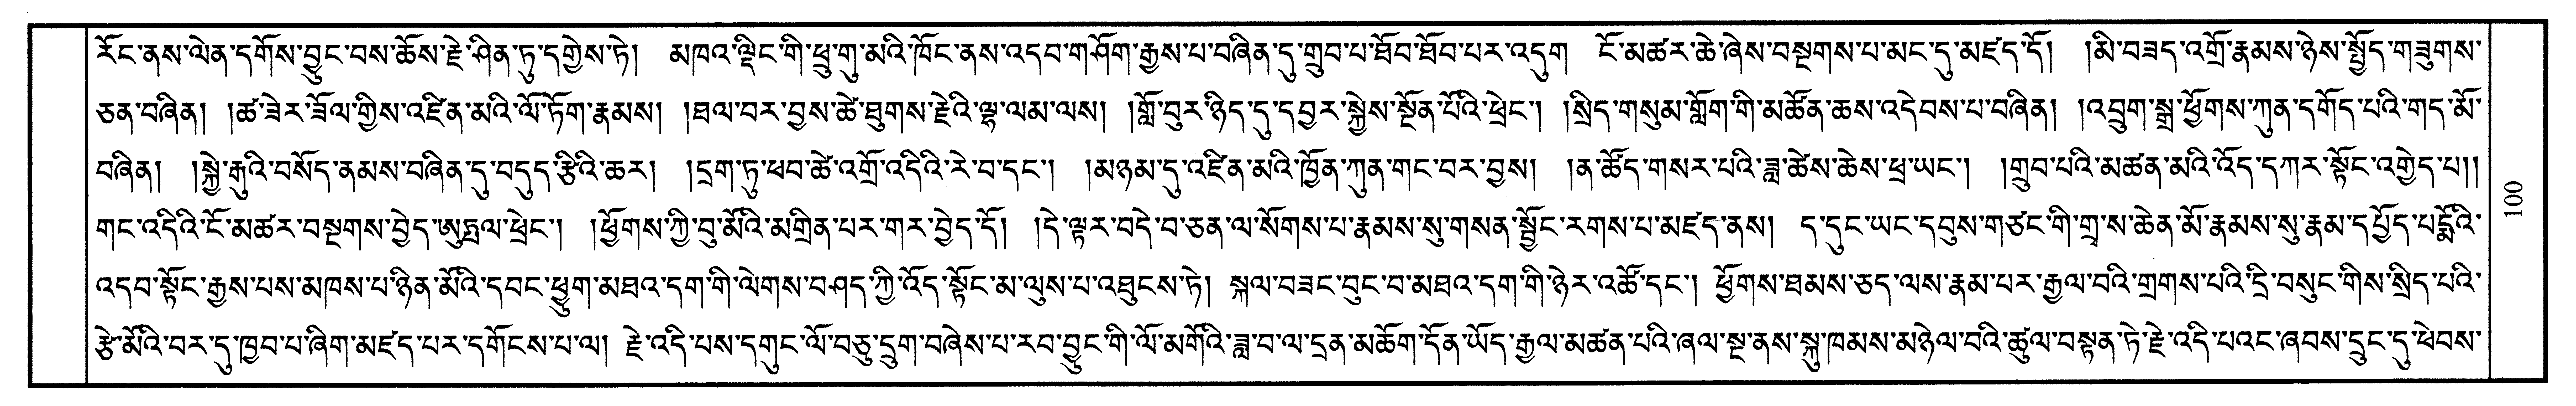རོང་ནས་ལེན་དགོས་བྱུང་བས་ཆོས་རྗེ་ཤིན་ཏུ་དགྱེས་ཏེ། མཁའ་ལྡིང་གི་ཕྲུ་གུ་མའི་ཁོང་ནས་འདབ་གཤོག་རྒྱས་པ་བཞིན་དུ་གྲུབ་པ་ཐོབ་ཐོབ་པར་འདུག །ངོ་མཚར་ཆེ་ཞེས་བསྔགས་པ་མང་དུ་མཛད་དོ། །མི་བཟད་འགྲོ་རྣམས་ཉེས་སྤྱོད་གཟུགས་
ཅན་བཞིན། །ཚ་ཟེར་ཟོལ་གྱིས་འཛིན་མའི་ལོ་ཏོག་རྣམས། །ཐལ་བར་བྱས་ཚེ་ཐུགས་རྗེའི་ལྷ་ལམ་ལས། །གློ་བུར་ཉིད་དུ་དབྱར་སྐྱེས་སྔོན་པོའི་ཕྲེང་། །སྲིད་གསུམ་གློག་གི་མཚོན་ཆས་འདེབས་པ་བཞིན། །འབྲུག་སྒྲ་ཕྱོགས་ཀུན་དགོད་པའི་གད་མོ་
བཞིན། །སྐྱེ་རྒུའི་བསོད་ནམས་བཞིན་དུ་བདུད་རྩིའི་ཆར། །དྲག་ཏུ་ཕབ་ཚེ་འགྲོ་འདིའི་རེ་བ་དང་། །མཉམ་དུ་འཛིན་མའི་ཁྱོན་ཀུན་གང་བར་བྱས། །ན་ཚོད་གསར་པའི་ཟླ་ཚེས་ཆེས་ཕྲ་ཡང་། །གྲུབ་པའི་མཚན་མའི་འོད་དཀར་སྟོང་འགྱེད་པ།།
གང་འདིའི་ངོ་མཚར་བསྔགས་བྱེད་ཨུཏྤལ་ཕྲེང་། །ཕྱོགས་ཀྱི་བུ་མོའི་མགྲིན་པར་གར་བྱེད་དོ། །དེ་ལྟར་བདེ་བ་ཅན་ལ་སོགས་པ་རྣམས་སུ་གསན་སྦྱོང་རགས་པ་མཛད་ནས། ད་དུང་ཡང་དབུས་གཙང་གི་གྲྭ་ས་ཆེན་མོ་རྣམས་སུ་རྣམ་དཔྱོད་པདམོའི་
འདབ་སྟོང་རྒྱས་པས་མཁས་པ་ཉིན་མོའི་དབང་ཕྱུག་མཐའ་དག་གི་ལེགས་བཤད་ཀྱི་འོད་སྟོང་མ་ལུས་པ་འཐུངས་ཏེ། སྐལ་བཟང་བུང་བ་མཐའ་དག་གི་ཉེར་འཚོ་དང་། ཕྱོགས་ཐམས་ཅད་ལས་རྣམ་པར་རྒྱལ་བའི་གྲགས་པའི་དྲི་བསུང་གིས་སྲིད་པའི་
རྩེ་མོའི་བར་དུ་ཁྱབ་པ་ཞིག་མཛད་པར་དགོངས་པ་ལ། རྗེ་འདི་པས་དགུང་ལོ་བཅུ་དྲུག་བཞེས་པ་རབ་བྱུང་གི་ལོ་མགོའི་ཟླ་བ་ལ་དྲན་མཆོག་དོན་ཡོད་རྒྱལ་མཚན་པའི་ཞལ་སྔ་ནས་སྐུ་ཁམས་མཉེལ་བའི་ཚུལ་བསྟན་ཏེ་རྗེ་འདི་པའང་ཞབས་དྲུང་དུ་ཕེབས་